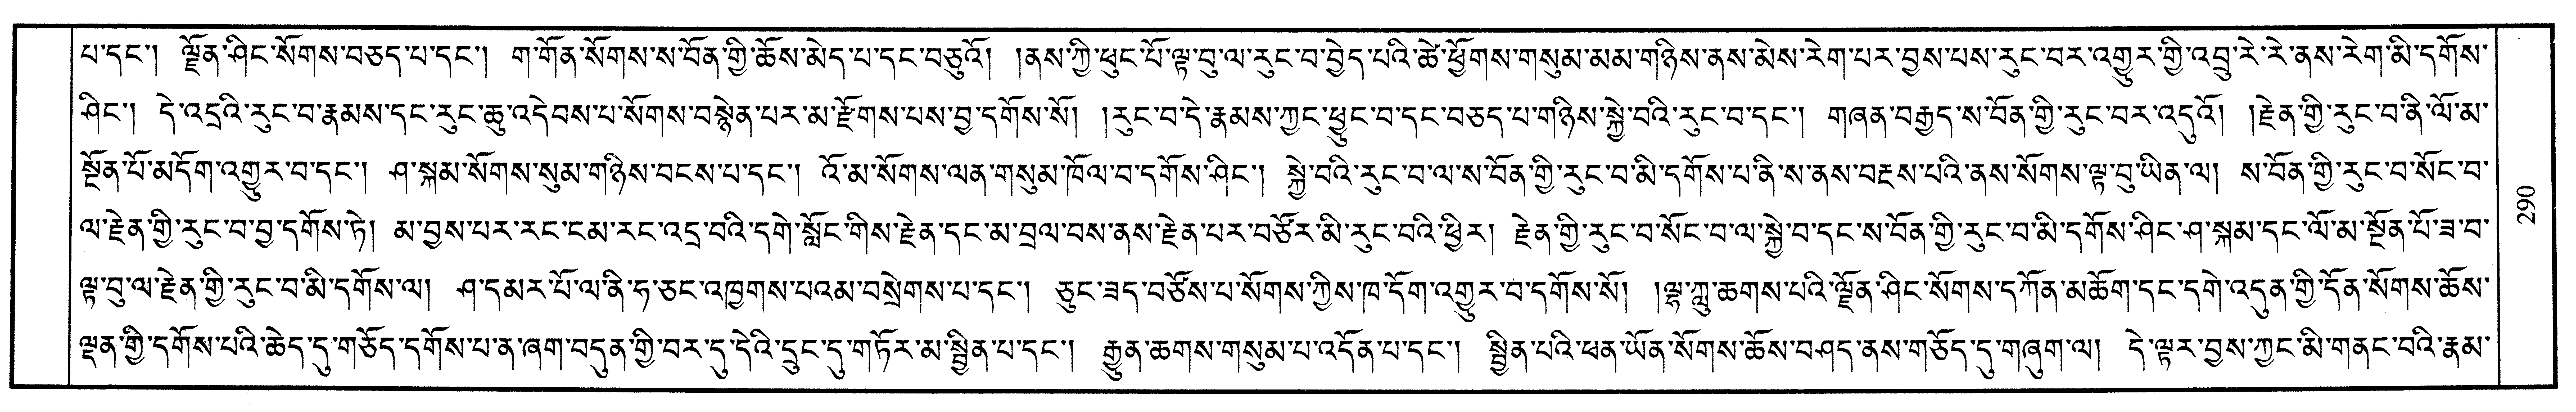པ་དང་། ལྗོན་ཤིང་སོགས་བཅད་པ་དང་། ག་གོན་སོགས་ས་བོན་གྱི་ཆོས་མེད་པ་དང་བཅུའོ། །ནས་ཀྱི་ཕུང་པོ་ལྟ་བུ་ལ་རུང་བ་བྱེད་པའི་ཚེ་ཕྱོགས་གསུམ་མམ་གཉིས་ནས་མེས་རེག་པར་བྱས་པས་རུང་བར་འགྱུར་གྱི་འབྲུ་རེ་རེ་ནས་རེག་མི་དགོས་
ཤིང་། དེ་འདྲའི་རུང་བ་རྣམས་དང་རུང་ཆུ་འདེབས་པ་སོགས་བསྙེན་པར་མ་རྫོགས་པས་བྱ་དགོས་སོ། །རུང་བ་དེ་རྣམས་ཀྱང་ཕྱུང་བ་དང་བཅད་པ་གཉིས་སྐྱེ་བའི་རུང་བ་དང་། གཞན་བརྒྱད་ས་བོན་གྱི་རུང་བར་འདུའོ། །རྗེན་གྱི་རུང་བ་ནི་ལོ་མ་
སྔོན་པོ་མདོག་འགྱུར་བ་དང་། ཤ་སྐམ་སུམ་གཉིས་བངས་པ་དང་། འོ་མ་སོགས་ལན་གསུམ་ཁོལ་བ་དགོས་ཤིང་། སྐྱེ་བའི་རུང་བ་ལ་ས་བོན་གྱི་རུང་བ་མི་དགོས་པ་ནི་ས་ནས་བརྔས་པའི་ནས་སོགས་ལྟ་བུ་ཡིན་ལ། ས་བོན་གྱི་རུང་བ་སོང་བ་
ལ་རྗེན་གྱི་རུང་བ་བྱ་དགོས་ཏེ། མ་བྱས་པར་རང་ངམ་རང་འདྲ་བའི་དགེ་སློང་གིས་རྗེན་དང་མ་བྲལ་བས་ནས་རྗེན་པར་བཙོར་མི་རུང་བའི་ཕྱིར། རྗེན་གྱི་རུང་བ་སོང་བ་ལ་སྐྱེ་བ་དང་ས་བོན་གྱི་རུང་བ་མི་དགོས་ཤིང་ཤ་སྐམ་དང་ལོ་མ་སྔོན་པོ་ཟ་བ་
ལྟ་བུ་ལ་རྗེན་གྱི་རུང་བ་མི་དགོས་ལ། ཤ་དམར་པོ་ལ་ནི་ཧ་ཅང་འཁྱགས་པའམ་བསྲེགས་པ་དང་། ཅུང་ཟད་བཙོས་པ་སོགས་ཀྱིས་ཁ་དོག་འགྱུར་བ་དགོས་སོ། །ལྷ་ཀླུ་ཆགས་པའི་ལྗོན་ཤིང་སོགས་དཀོན་མཆོག་དང་དགེ་འདུན་གྱི་དོན་སོགས་ཆོས་
ལྡན་གྱི་དགོས་པའི་ཆེད་དུ་གཅོད་དགོས་པ་ན་ཞག་བདུན་གྱི་བར་དུ་དེའི་དྲུང་དུ་གཏོར་མ་སྦྱིན་པ་དང་། རྒྱུན་ཆགས་གསུམ་པ་འདོན་པ་དང་། སྦྱིན་པའི་ཕན་ཡོན་སོགས་ཆོས་བཤད་ནས་གཅོད་དུ་གཞུག་ལ། དེ་ལྟར་བྱས་ཀྱང་མི་གནང་བའི་རྣམ་